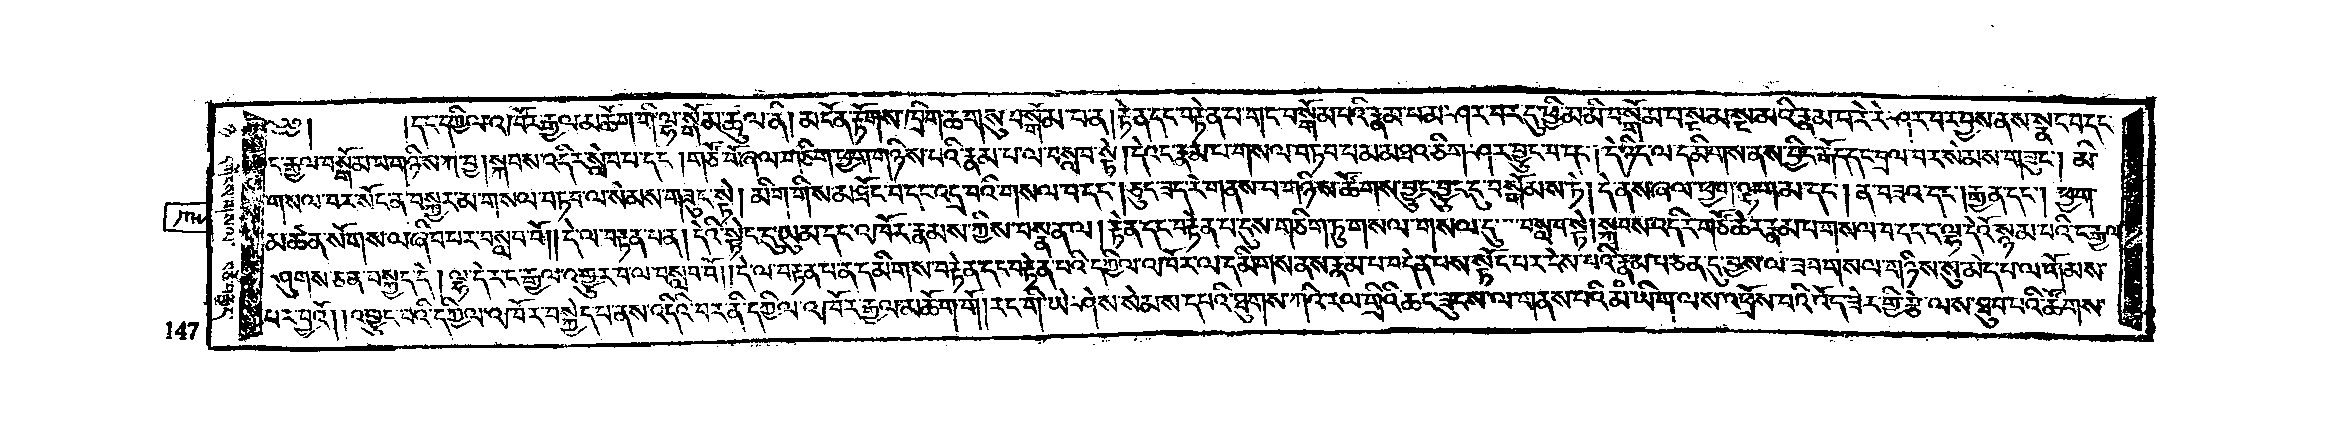༄༅། །དང་དཀྱིལ་འཁོར་རྒྱལ་མཆོག་གི་ལྷ་སྒོམ་ཚུལ་ནི། མངོན་རྟོགས་ཁྲིག་ཆགས་སུ་བསྒོམ་པ་ན། རྟེན་དང་བརྟེན་པ་གང་བསྒོམ་པའི་རྣམ་པ་མ་ཤར་བར་དུ་ཕྱི་མ་མི་བསྒོམ་པ་སྔ་མ་སྔ་མའི་རྣམ་པ་རེ་རེ་ཤར་བར་བྱས་ནས་སྣང་བ་དང་
ང་རྒྱལ་བསྒོམ་པ་གཉིས་ཀ་བྱ། སྐབས་འདིར་སླེབ་པ་དང་། གཙོ་བོ་ཞལ་གཅིག་ཕྱག་གཉིས་པའི་རྣམ་པ་ལ་བསླབ་སྟེ། དེའང་རྣམ་པ་གསལ་བཏབ་པ་མ་མཐའ་ཅིག་ཤར་བྱུང་བ་དང་། དེ་ཉིད་ལ་དམིགས་ནས་བྱིང་རྒོད་དང་བྲལ་བར་སེམས་གཟུང་། མི་
གསལ་བར་སོང་ན་བསྐྱར་མ་གསལ་བཏབ་ལ་སེམས་གཟུང་སྟེ། མིག་གིས་མཐོང་བ་དང་འདྲ་བའི་གསལ་བ་དང་། ཅུང་ཟད་རེ་གནས་པ་གཉིས་ཚོགས་བྱུང་བྱུང་དུ་བསྒོམས་ཏེ། དེ་ནས་ཞལ་ཕྱག་ལྷག་མ་དང་། ན་བཟའ་དང་། རྒྱན་དང་། ཕྱག་
མཚན་སོགས་ལ་ཞིབ་པར་བསླབ་བོ། །དེ་ལ་བརྟན་པ་ན། དེའི་སྟེང་དུ་ཡུམ་དང་འཁོར་རྣམས་ཀྱིས་བསྣན་ལ། རྟེན་དང་བརྟེན་པ་དུས་གཅིག་ཏུ་གསལ་གསལ་དུ་བསླབ་སྟེ། སྐབས་འདིར་གཙོ་ཆེར་རྣམ་པ་གསལ་བ་དང་ང་ལྷ་དེའོ་སྙམ་པའི་ང་རྒྱལ་
ཤུགས་ཅན་བསྐྱེད་དེ། ལྷ་དེར་ང་རྒྱལ་འགྱུར་བ་ལ་བསླབ་བོ། །དེ་ལ་བརྟན་པ་ན་དམིགས་བརྟེན་དང་བརྟེན་པའི་དཀྱིལ་འཁོར་ལ་དམིགས་ནས་རྣམ་པ་བདེན་པས་སྟོང་པར་ངེས་པའི་རྣམ་པ་ཅན་དུ་བྱས་ལ་ཟབ་གསལ་གཉིས་སུ་མེད་པ་ལ་གོམས་
པར་བྱའོ། །འབྱུང་བའི་དཀྱིལ་འཁོར་བསྐྱེད་པ་ནས་འདིའི་བར་ནི་དཀྱིལ་འཁོར་རྒྱལ་མཆོག་གོ །རང་གི་ཡེ་ཤེས་སེམས་དཔའི་ཐུགས་ཀའི་རལ་གྲིའི་ཆང་ཟུངས་ལ་གནས་པའི་མཾ་ཡིག་ལས་འཕྲོས་པའི་འོད་ཟེར་གྱི་རྩེ་ལས་ཐུབ་པའི་ཚོགས་